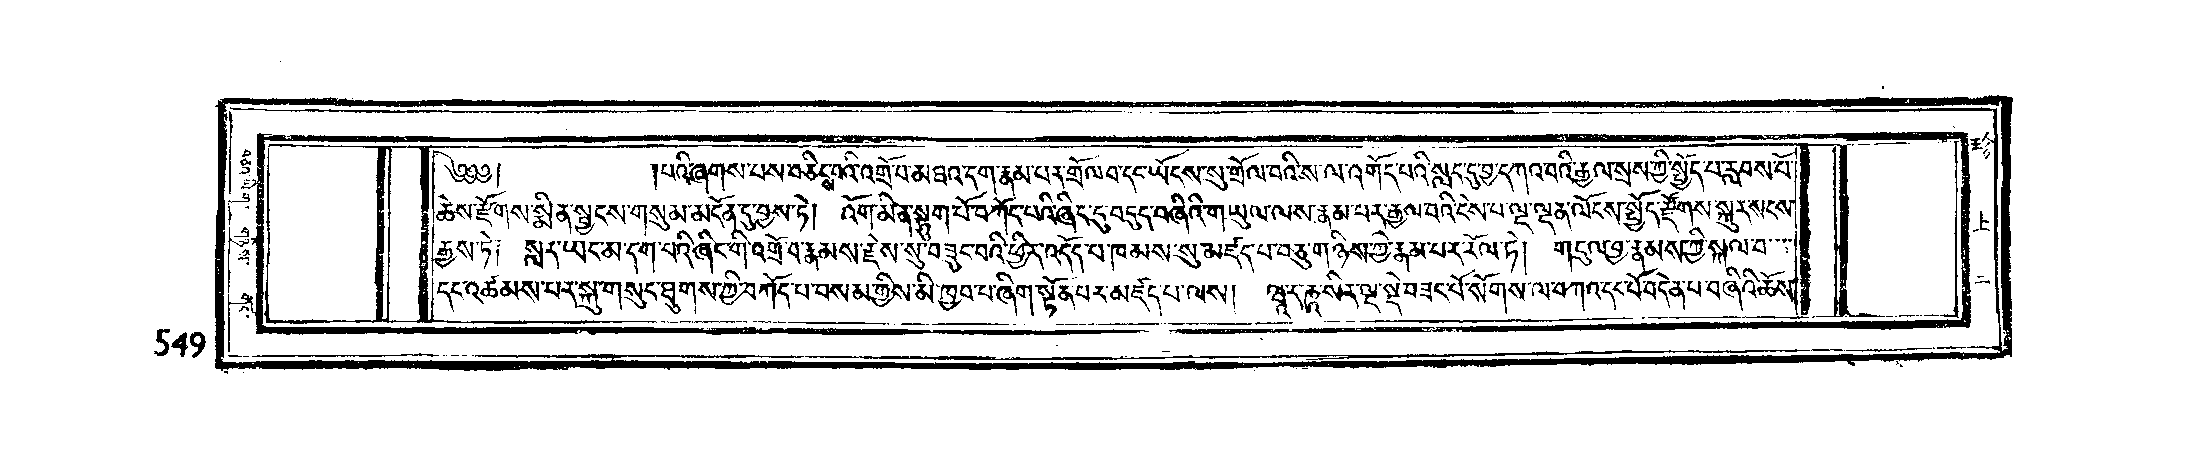༄༅༅། །པའི་ཞབས་པས་བཅིངས་པའི་འགྲོ་བ་མཐའ་དག་རྣམ་པར་གྲོལ་བ་དང་ཡོངས་སུ་གྲོལ་བའི་ས་ལ་འགོད་པའི་སླད་དུ་བྱ་དཀའ་བའི་རྒྱལ་སྲས་ཀྱི་སྤྱོད་པ་རླབས་པོ་
ཆེས་རྫོགས་སྨིན་སྦྱངས་གསུམ་མངོན་དུ་བྱས་ཏེ། འོག་མིན་སྟུག་པོ་བཀོད་པའི་ཞིང་དུ་བདུད་བཞིའི་གཡུལ་ལས་རྣམ་པར་རྒྱལ་བའི་ངེས་པ་ལྔ་ལྡན་ལོངས་སྤྱོད་རྫོགས་སྐུར་སངས་
རྒྱས་ཏེ། སླར་ཡང་མ་དག་པའི་ཞིང་གི་འགྲོ་བ་རྣམས་རྗེས་སུ་བཟུང་བའི་ཕྱིར་འདོད་པ་ཁམས་སུ་མཛད་པ་བཅུ་གཉིས་ཀྱི་རྣམ་པར་རོལ་ཏེ། གདུལ་བྱ་རྣམས་ཀྱི་སྐལ་བ་
དང་འཚམས་པར་སྐུ་གསུང་ཐུགས་ཀྱི་བཀོད་པ་བསམ་གྱིས་མི་ཁྱབ་པ་ཞིག་སྟོན་པར་མཛད་པ་ལས། ཝཱ་ར་ཎཱ་སིར་ལྔ་སྡེ་བཟང་པོ་སོགས་ལ་བཀའ་དང་པོ་བདེན་པ་བཞིའི་ཆོས་